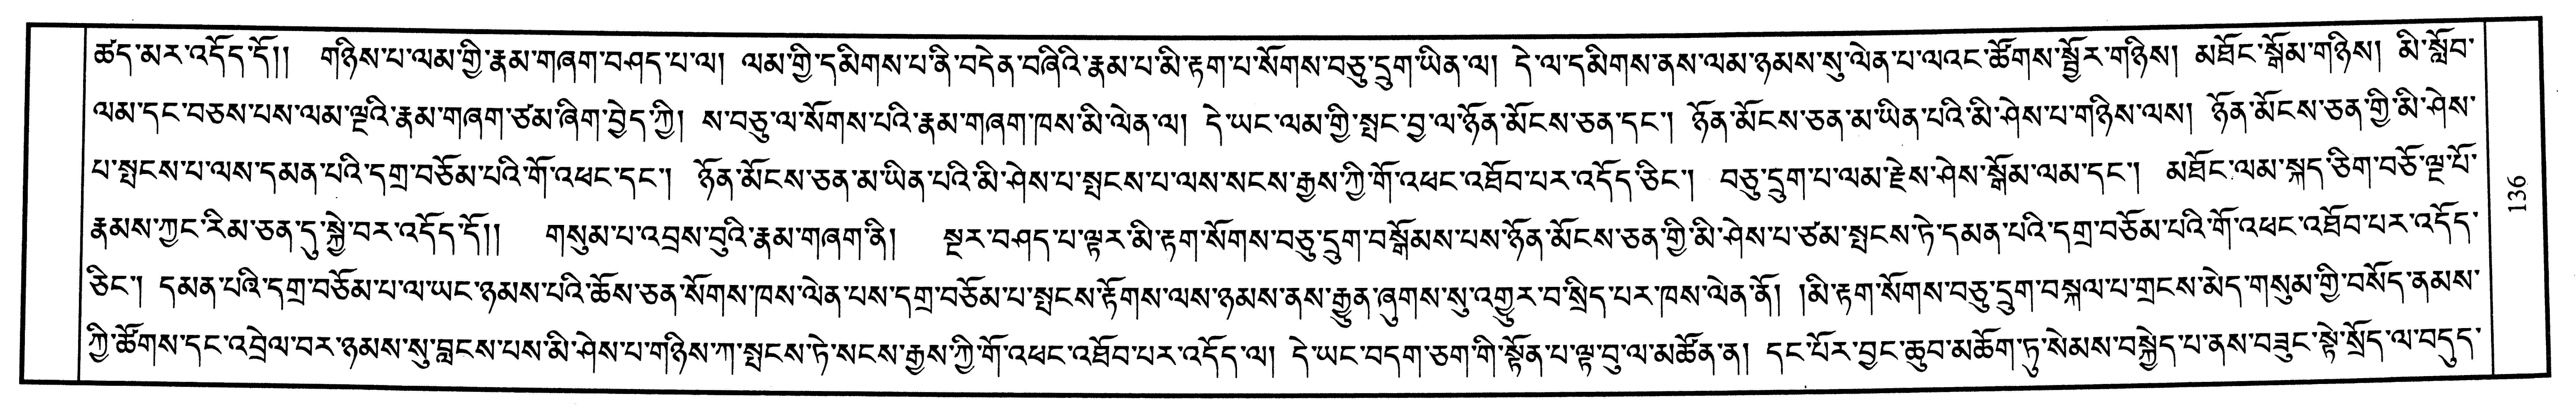ཚད་མར་འདོད་དོ།། གཉིས་པ་ལམ་གྱི་རྣམ་གཞག་བཤད་པ་ལ། ལམ་གྱི་དམིགས་པ་ནི་བདེན་བཞིའི་རྣམ་པ་མི་རྟག་པ་སོགས་བཅུ་དྲུག་ཡིན་ལ། དེ་ལ་དམིགས་ནས་ལམ་ཉམས་སུ་ལེན་པ་ལའང་ཚོགས་སྦྱོར་གཉིས། མཐོང་སྒོམ་གཉིས། མི་སློབ་
ལམ་དང་བཅས་པས་ལམ་ལྔའི་རྣམ་གཞག་ཙམ་ཞིག་བྱེད་ཀྱི། ས་བཅུ་ལ་སོགས་པའི་རྣམ་གཞག་ཁས་མི་ལེན་ལ། དེ་ཡང་ལམ་གྱི་སྤང་བྱ་ལ་ཉོན་མོངས་ཅན་དང་། ཉོན་མོངས་ཅན་མ་ཡིན་པའི་མི་ཤེས་པ་གཉིས་ལས། ཉོན་མོངས་པ་ཅན་གྱི་མི་ཤིས་
པ་སྤངས་པ་ལས་དམན་པའི་དགྲ་བཅོམ་པའི་གོ་འཕང་དང་། ཉོན་མོངས་ཅན་མ་ཡིན་པའི་མི་ཤེས་པ་སྤངས་པ་ལས་སངས་རྒྱས་ཀྱི་གོ་འཕང་འཐོབ་པར་འདོད་ཅིང་། བཅུ་དྲུག་པ་ལམ་རྗེས་ཤེས་སྒོམ་ལམ་དང་། མཐོང་ལམ་སྐད་ཅིག་བཅོ་ལྔ་པོ་
རྣམས་ཀྱང་རིམ་ཅན་དུ་སྐྱེ་བར་འདོད་དོ།། གསུམ་པ་འབྲས་བུའི་རྣམ་གཞག་ནི། །སྔར་བཤད་པ་ལྟར་མི་རྟག་སོགས་བཅུ་དྲུག་བསྒོམས་པས་ཉོན་མོངས་ཅན་གྱི་མི་ཤེས་པ་ཙམ་སྤངས་ཏེ་དམན་པའི་དགྲ་བཅོམ་པའི་གོ་འཕང་འཐོབ་པར་འདོད་
ཅིང་། དམན་པའི་དགྲ་བཅོམ་པ་ལ་ཡང་ཉམས་པའི་ཆོས་ཅན་སོགས་ཁས་ལེན་པས་དགྲ་བཅོམ་པ་སྤངས་རྟོགས་ལས་ཉམས་ནས་རྒྱུན་ཞུགས་སུ་འགྱུར་བ་སྲིད་པར་ཁས་ལེན་ནོ། །མི་རྟག་སོགས་བཅུ་དྲུག་བསྐལ་བ་གྲངས་མེད་གསུམ་གྱི་བསོད་ནམས་
ཀྱི་ཚོགས་དང་འབྲེལ་བར་ཉམས་སུ་བླངས་པས་མི་ཤེས་པ་གཉིས་ཀ་སྤངས་ཏེ་སངས་རྒྱས་ཀྱི་གོ་འཕང་འཐོབ་པར་འདོད་ལ། དེ་ཡང་བདག་ཅག་གི་སྟོན་པ་ལྟ་བུ་ལ་མཚོན་ན། དང་པོར་བྱང་ཆུབ་མཆོག་ཏུ་སེམས་བསྐྱེད་པ་ནས་བཟུང་སྟེ་སྲོད་ལ་བདུད་